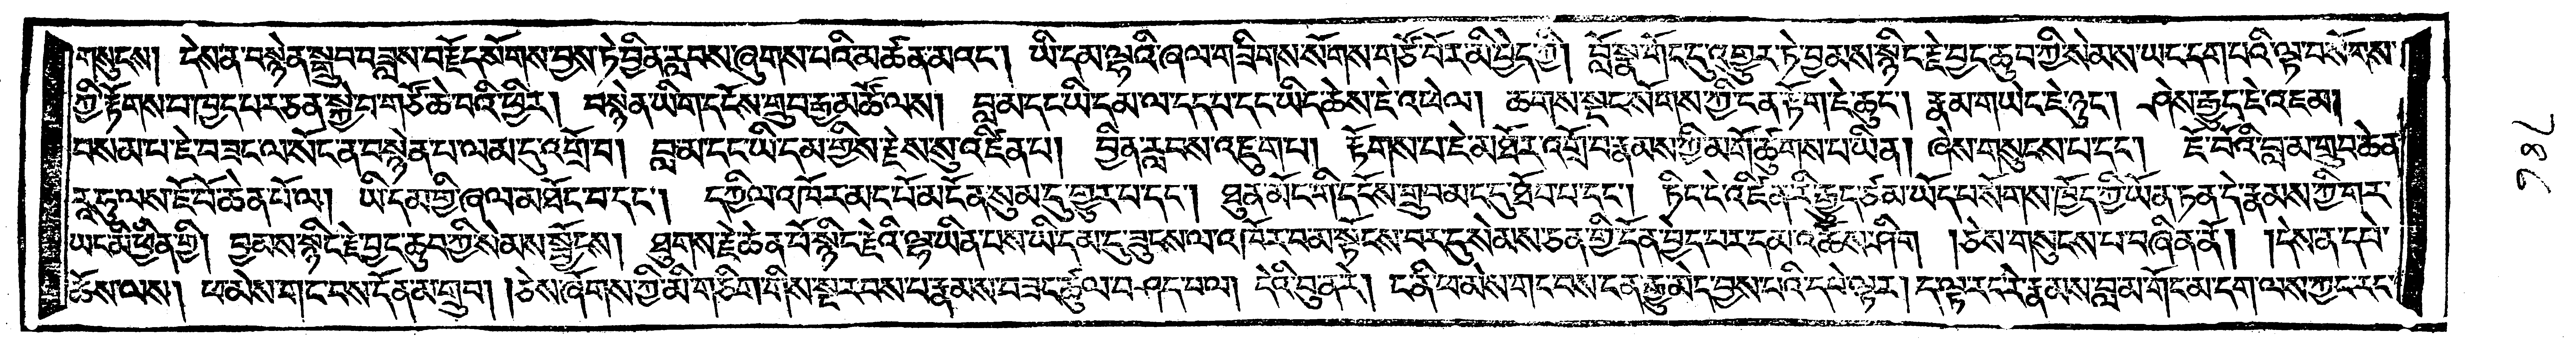གསུངས། དེས་ན་བསྙེན་སྒྲུབ་བཟླས་བརྗོད་སོགས་བྱས་ཏེ་བྱིན་རླབས་ཞུགས་པའི་མཚན་མའང་། ཡི་དམ་ལྷའི་ཞལ་གཟིགས་སོགས་གཙོ་བོར་མི་བྱེད་ཀྱི། བློ་སྣ་གོང་དུ་འགྱུར་ཏེ་བྱམས་སྙིང་རྗེ་བྱང་ཆུབ་ཀྱི་སེམས་ཡང་དག་པའི་ལྟ་བ་སོགས་
ཀྱི་རྟོགས་པ་ཁྱད་པར་ཅན་སྐྱེ་བ་གཙོ་ཆེ་བའི་ཕྱིར། བསྙེན་ཡིག་དངོས་གྲུབ་རྒྱ་མཚོ་ལས། བླ་མ་དང་ཡི་དམ་ལ་དད་པ་དང་ཡིད་ཆེས་ཇི་འཕེལ། ཆགས་སྡང་སོགས་ཀྱི་ངན་རྟོག་རྗེ་ཆུང་། རྣམ་གཡེར་ཇེ་ཉུང་། །ཤེས་རྒྱུད་ཇེ་འཇམ།
བསམ་པ་ཇེ་བཟང་ལ་སོང་ན་བསྙེན་པ་ལམ་དུ་འགྲོ་བ། བླ་མ་དང་ཡི་དམ་གྱིས་རྗེས་སུ་འཛིན་པ། བྱིན་རླབས་འཇུག་པ། རྟོགས་པ་ཇེ་མཐོན་འགྲོ་བ་རྣམས་ཀྱི་མགོ་ཚུགས་པ་ཡིན། ཞེས་གསུངས་པ་དང་། ཇོ་བོའི་བླ་མ་གྲུབ་ཆེན་
རཱ་ཧུ་ལས་ཇོ་བོ་ཆེན་པོ་ལ། ཡི་དམ་གྱི་ཞལ་མཐོང་བ་དང་། དཀྱིལ་འཁོར་མང་པོ་མངོན་སུམ་དུ་གྱུར་པ་དང་། ཐུན་མོང་གི་དངོས་གྲུབ་མང་དུ་ཐོབ་པ་དང་། ཏིང་ངེ་འཛིན་རི་རྒྱུད་ཙམ་ཡོད་པ་སོགས་ཁྱོད་ཀྱི་ཡོན་ཏན་དེ་རྣམས་ཀྱི་གར་
ཡང་མི་ཕྱིན་གྱི། བྱམས་སྙིང་རྗེ་བྱང་ཆུབ་ཀྱི་སེམས་སྦྱོངས། ཐུགས་རྗེ་ཆེན་པོ་སྙིང་རྗེའི་ལྷ་ཡིན་པས་ཡི་དམ་དུ་ཟུངས་ལ་འཁོར་བ་མ་སྟོངས་བར་དུ་སེམས་ཅན་གྱི་དོན་ཕྱེད་པར་དམ་འཆོས་ཤིག །ཅེས་གསུངས་པ་བཞིན་ནོ། །དེས་ན་དཔེ་
ཆོས་ལས། ཕ་མེས་གང་བས་དོན་མ་གྲུབ། །ཅེས་ཞོགས་ཀྱི་མི་གཅིག་གིས་སྔར་བས་པ་རྣམས་བཟང་ཚུལ་བཤད་པ་ལ། དེའི་བུ་ན་རེ། ང་ནི་ཕ་མེས་གང་བས་ངན་རྒྱུ་མེད་བྱས་པའི་དཔེ་ལྟར། ད་ལྟ་རང་དེ་རྣམས་བླ་མ་གོང་མ་དག་ལས་ཀྱང་རང་